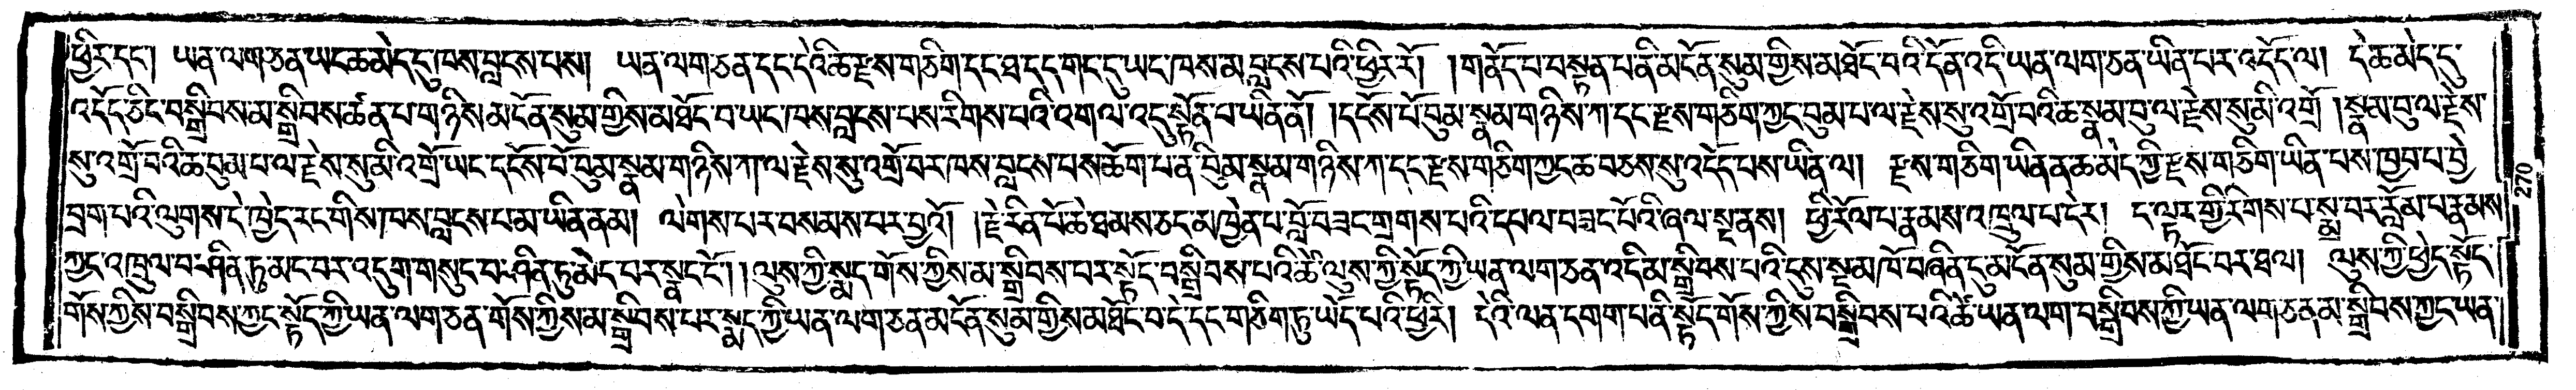ཕྱིར་དང་། ཡན་ལག་ཅན་ཡང་ཆ་མེད་དུ་ཁས་བླངས་པས། ཡན་ལག་ཅན་དང་དེའི་ཆ་རྫས་གཅིག་དང་ཐ་དད་གང་དུ་ཡང་ཁས་མ་བླངས་པའི་ཕྱིར་རོ། །གནོད་པ་བསྟན་པ་ནི་མངོན་སུམ་གྱིས་མཐོང་བའི་དོན་འདི་ཡན་ལག་ཅན་ཡིན་པར་འདོད་ལ། དེ་ཆ་མེད་དུ་
འདོད་ཅིང་བསྒྲིབས་མ་སྒྲིབས་ཚན་པ་གཉིས་མངོན་སུམ་གྱིས་མཐོང་བ་ཡང་ཁས་བླངས་པས་རིགས་པའི་འགལ་འདུ་སྟོན་པ་ཡིན་ནོ། །དངོས་པོ་བུམ་སྣམ་གཉིས་ཀ་དང་རྫས་གཅིག་ཀྱང་བུམ་པ་ལ་རྗེས་སུ་འགྲོ་བའི་ཆ་སྣམ་བུ་ལ་རྗེས་སུ་མི་འགྲོ་།སྣམ་བུ་ལ་རྗེས་
སུ་འགྲོ་བའི་ཆ་བུམ་པ་ལ་རྗེས་སུ་མི་འགྲོ་ཡང་དངོས་པོ་བུམ་སྣམ་གཉིས་ཀ་ལ་རྗེས་སུ་འགྲོ་བར་ཁས་བླངས་པས་ཆོག་པ་ནི་བུམ་སྣམ་གཉིས་ཀ་དང་རྫས་གཅིག་ཀྱང་ཆ་བཅས་སུ་འདོད་པས་ཡིན་ལ། རྫས་གཅིག་ཡིན་ན་ཆ་མེད་ཀྱི་རྫས་གཅིག་ཡིན་པས་ཁྱབ་པ་བྱེ་
བྲག་པའི་ལུགས་དེ་ཁྱེད་རང་གིས་ཁས་བླངས་པ་མ་ཡིན་ནམ། ལེགས་པར་བསམས་པར་བྱའོ། །རྗེ་རིན་པོ་ཆེ་ཐམས་ཅད་མཁྱེན་པ་བློ་བཟང་གྲགས་པའི་དཔལ་བཟང་པོའི་ཞལ་སྔ་ནས། ཕྱི་རོལ་པ་རྣམས་འཁྲུལ་པ་དེར། ད་ལྟར་གྱི་རིགས་པ་སྨྲ་བར་རློམ་པ་རྣམས་
ཀྱང་འཁྲུལ་བ་ཤིན་ཏུ་མང་བར་འདུག་གསུང་བ་ཤིན་ཏུ་མེད་པར་སྣང་ངོ། །ལུས་ཀྱི་སྨད་གོས་ཀྱིས་མ་སྒྲིབས་པར་སྟོད་བསྒྲིབས་པའི་ཚེ་ལུས་ཀྱི་སྟོད་ཀྱི་ཡན་ལག་ཅན་འདི་མ་སྒྲིབས་པའི་དུས་སྔ་མ་ཁོ་བཞིན་དུ་མངོན་སུམ་གྱིས་མཐོང་བར་ཐལ། ལུས་ཀྱི་ཕྱེད་སྟོད་
གོས་ཀྱིས་བསྒྲིབས་ཀྱང་སྟོད་ཀྱི་ཡན་ལག་ཅན་གོས་ཀྱིས་མ་སྒྲིབས་པར་སྨད་ཀྱི་ཡན་ལག་ཅན་མངོན་སུམ་གྱིས་མཐོང་བ་དེ་དང་གཅིག་ཏུ་ཡོད་པའི་ཕྱིར། དེའི་ལན་དགག་པ་ནི་སྟོད་གོས་ཀྱིས་བསྒྲིབས་པའི་ཚེ་ཡན་ལག་བསྒྲིབས་ཀྱི་ཡན་ལག་ཅན་མ་སྒྲིབས་ཀྱང་ཡན་